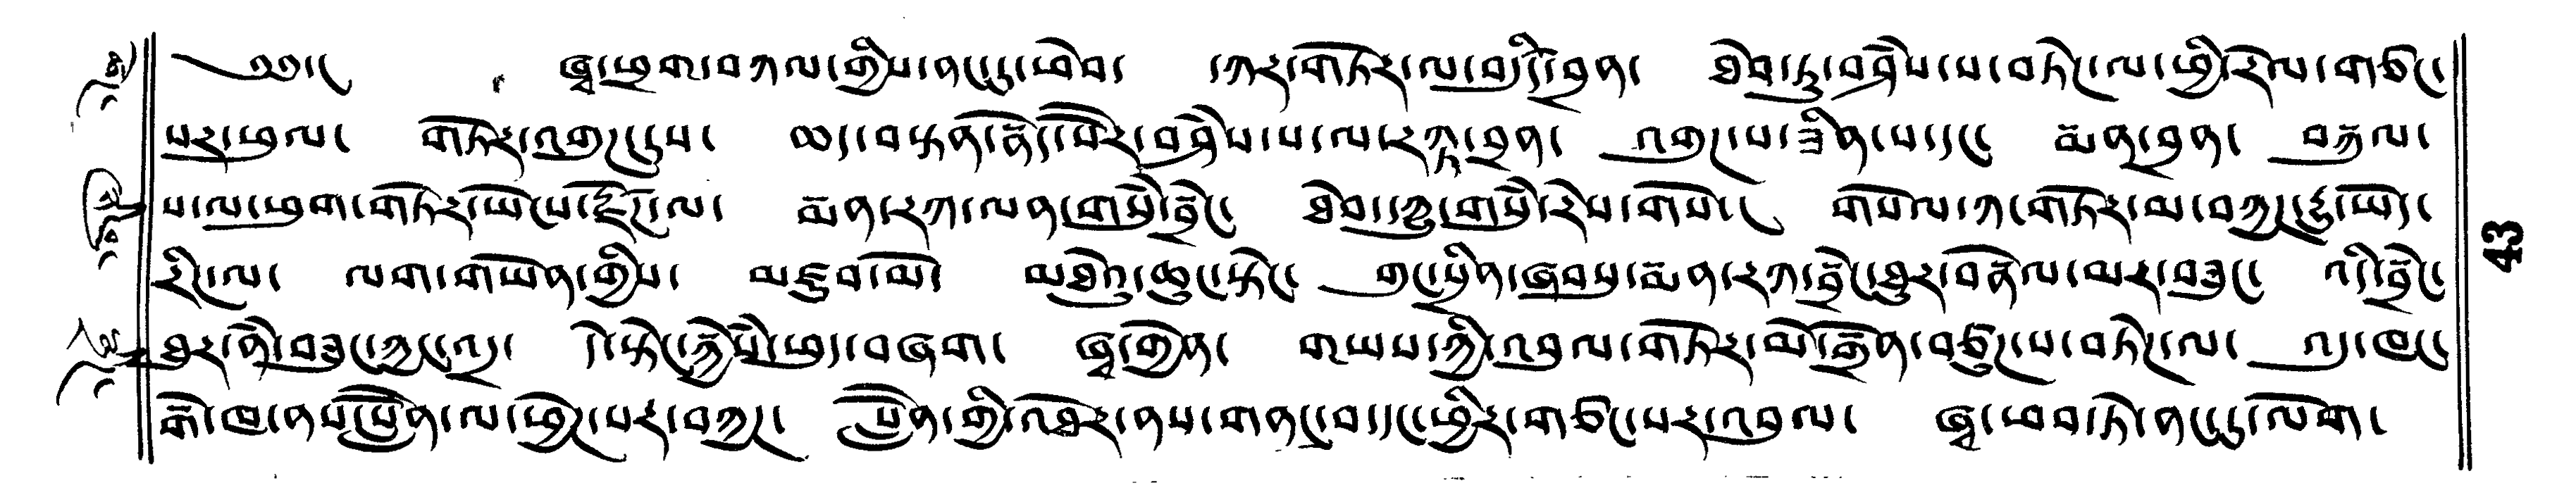ཞྭ་ཕྲག་བཀལ་གྱིས་ནང་དུ་ཕེབས། དཀར་གཏོར་ལ་བདུད་རྩི་བྲན། ཐེབ་ཏུ་བཤམས་པ་བཏེགས་ལ་ཕྱི་རོལ་གཙང་
སར་ཕུལ། གཏོར་འགུགས་དུས། ཆད་བསྟན་སྣོད་སོ་སོར་བཤམས་པ་ལ་རཀྟ་བྲན། འགུགས་པ་ཟིན་པ་དང་། སྨན་བྲན། བསྐུལ་
པ་ལ་ཕུག་གཏོར་ཡོངས་རྫོགས་ལ་སྨན་རཀ་ལན་གསུམ་སྦྲེང་། མཐེབ་སྐྱུ་གསུམ་རེས་གསོ། གསོལ་ཀའི་གཏོར་མ་བཀྱག་རྒྱུ་ཡོད་
རིགས་ལ། ལག་གཡོན་གྱིས། མཛུབ་མོ། མཐེའུ་ཆུང་སྟེང་། གུང་སྲིན་ཞབས་སུ་སྨན་རཀ་སྦྲེང་ཐུར་བསྣོལ་མར་བཟུང་། འདི་སྦྲེང་
ཐུར་ནམ་བཟུང་ཀྱང་འདྲ། དེ་སྟེང་སྐྱེམས་ཕུད་བཞག ཞྭ་གྱོན། གཡས་ཀྱི་འབུལ་གཏོར་མེ་སྒྲོན་བཙུགས་པ་བཏེགས་ལ། འདུ་ཁང་
སྒོ་ཁ་ནས་སློབ་དཔོན་ལ་ཕྱོགས་པར་བཀྱགས། སློབ་དཔོན་གྱི་འཐོར་ནས་གནང་བ་དང་ཕྱིར་གཙང་སར་འབུལ། ཞྭ་ཕབ་ཏེ་ནང་དུ་ལོག